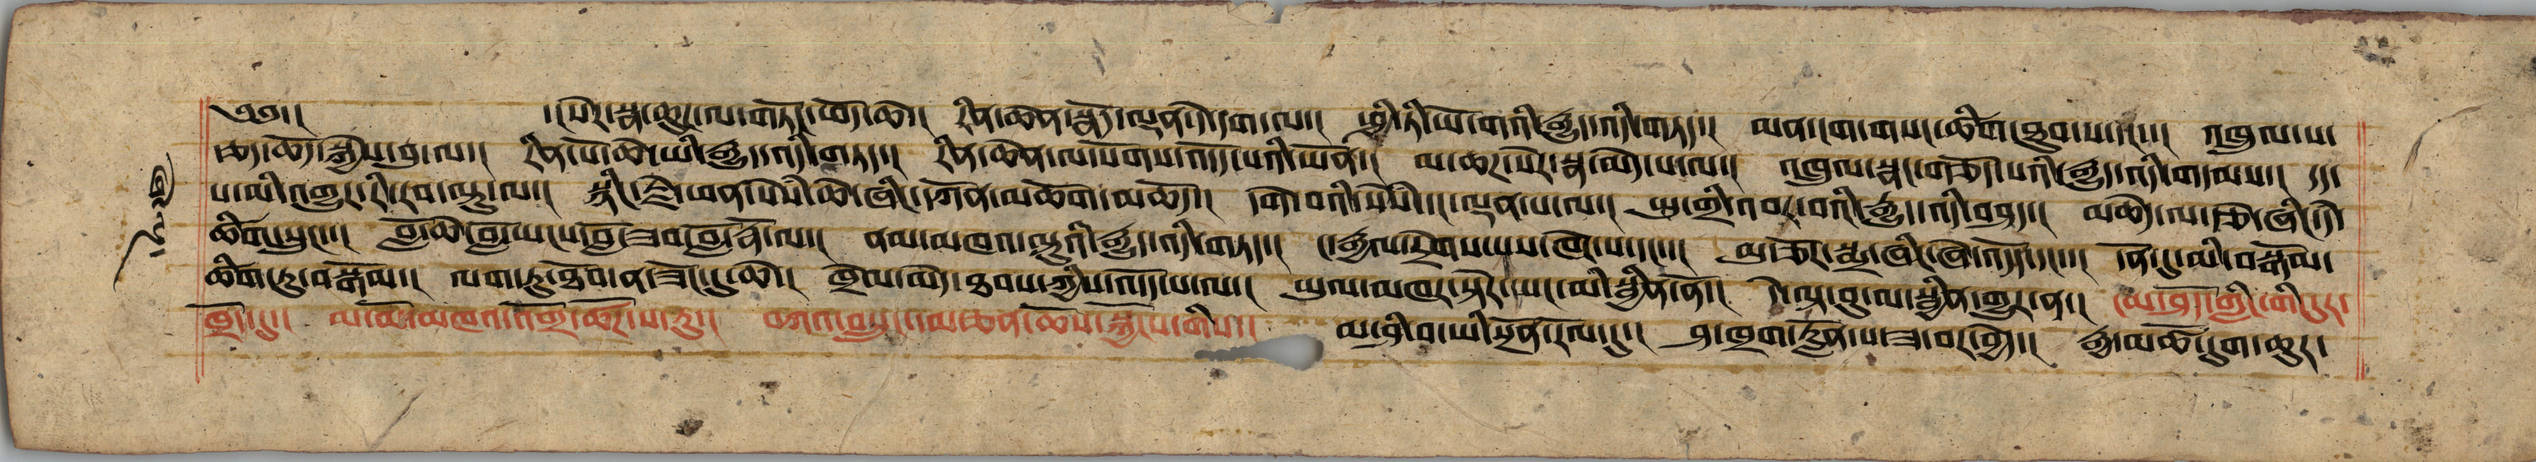༄༅་། ་།སེར་སྣ་ཆུང་ལ་གཏོང་ཕོད་ཆེ་། རིན་ཆེན་སྣོད་ལྡན་དེ་དག་ལ་། སྤྱི་ཏི་ཡོ་གའི་རྒྱུད་འདི་གཏད་། མན་ངག་གསང་ཚིག་ཐུབ་པ་དང་་། འཁྲུལ་པ་
རྩད་ཆོད་སྐྱེས་བུ་ལ་། རིན་པོ་ཆེ་ཡི་རྒྱུད་འདི་གཏད་། རིན་ཆེན་ལ་སོགས་འདོད་པའི་ཡོན་། མ་ཆཌ་སེར་སྣ་མེད་པ་ལ་། འཁྲུལ་སྣང་གཅོད་པའི་རྒྱུད་འདི་གདམས་། དད་
པ་མི་འགྱུར་རི་རབ་ལྟུ་ལ་། སྙིང་རྗེ་ཕན་སེཾས་ཆེ་ཞིང་དཀོན་མཆོག་མཆོད་། དགེ་བའི་སེཾས་དང་ལྡན་པ་ལ་། སྤུ་གྲི་འབར་བའི་རྒྱུད་འདི་བཤད་། མཆེད་ལ་རྩེ་ཞིང་དེ་
ཚིག་སྲུང་་། བློ་ཆེ་བློ་ཡངས་བློ་ཟབ་བློ་རྣོ་ལ་། ནམ་མཁའ་ལྟུའི་རྒྱུད་འདི་གཏད་། ང་རྒྱལ་དྲེགས་པས་ཁེང་པ་དང་་། མུ་ཅོར་སྨྲ་ཞིང་ཞེ་འདོད་དང་་། དོན་དུ་མི་བསྒོམ་
ཚིག་ཏུ་བསྒོམ་། ལོག་ཏུ་ཐོབ་ན་ཟོང་དུ་ཆེ་། ཁྲེལ་མེད་ཐབས་ཀྱིས་འདོད་པ་ལ་། ཡུལ་མཁར་སྟེར་ཡང་མི་སྦྱིན་ན་། དེ་ལྟ་བུ་ལ་སྦྱིན་འགྱུར་ན་། ངམ་ཤོད་གླིང་གི་དུར་
ཁྲོད་དུ་། མ་མོ་མཁའ་འགྲོ་ཚོཌ་པ་རུ་། བཀའ་བསྲུང་དམ་ཅན་ཆོས་སྐྱོངས་གིས་། མ་ཤི་བ་ཡི་སྔོན་རོལ་དུ་། ཤ་ཁྲག་རློན་པ་ཟ་བར་བྱེད་། རྒྱ་མཚོ་དུག་ཆུར་